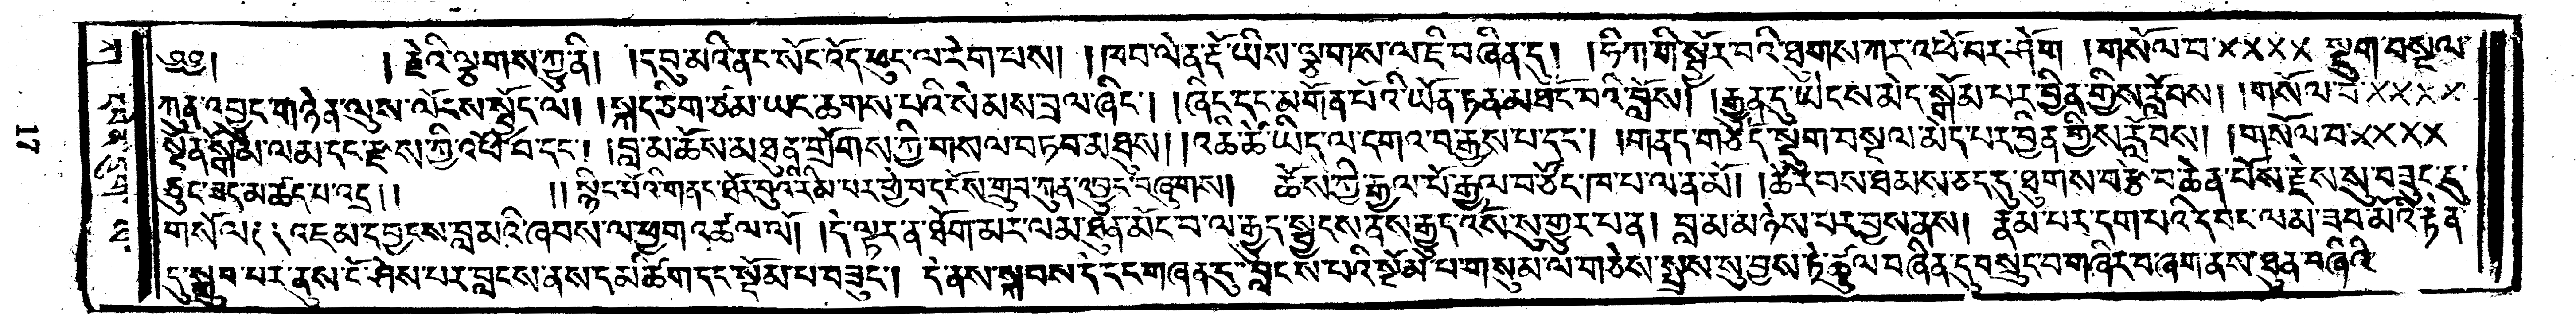༄༅། །རྗེའི་ལྕགས་ཀྱུ་ནི། །དབུ་མའི་ནང་སོང་འོད་ཕུང་ལ་རེག་པས། །ཁབ་ལེན་རྡོ་ཡིས་ལྕགས་ལ་ཇི་བཞིན་དུ། །ཧིཀ་གི་སྦྱོར་བའི་ཐུགས་ཀར་འཕོ་བར་ཤོག །གསོལ་བ་྾་྾་྾་྾་སྡུག་བསྔལ་
ཀུན་འབྱུང་གཉེན་ལུས་ལོངས་སྦྱོད་ལ། །སྐད་ཅིག་ཙམ་ཡང་ཆགས་པའི་སེམས་བྲལ་ཞིང་། །ཞིང་དང་མགོན་པོའི་ཡོན་ཏན་མཐོང་བའི་བློས། །རྒྱུན་དུ་ཡེངས་མེད་སྒོམ་པར་བྱིན་གྱིས་རློབས། །གསོལ་བ་྾་྾་྾་྾་
སྔོན་སྒོམ་ལམ་དང་རྫས་ཀྱི་འཕོ་བ་དང་། །བླ་མ་ཆོས་མཐུན་གྲོགས་ཀྱི་གསལ་བཏབ་མཐུས། །འཆི་ཚེ་ཡིད་ལ་དགའ་བ་རྒྱས་པ་དང་། །གནད་གཅོད་སྡུག་བསྔལ་མེད་པར་བྱིན་གྱིས་རློབས། །གསོལ་བ་྾་྾་྾་྾་
ཅུང་ཟད་མ་ཚད་པ་འདྲ། །།སྙིང་པོའི་གནང་ཐོར་བུའི་རིམ་པར་ཕྱེ་བ་དངོས་གྲུབ་ཀུན་འབྱུང་བཞུགས། ཆོས་ཀྱི་རྒྱལ་པོ་རྒྱལ་བ་ཙོང་ཁ་པ་ལ་ན་མོ། །ཚེ་རབས་ཐམས་ཅད་དུ་ཐུགས་བརྩེ་བ་ཆེན་པོས་རྗེས་སུ་བཟུང་དུ་
གསོལ༑ ༑འཇམ་དབྱངས་བླ་མའི་ཞབས་ལ་ཕྱག་འཚལ་ལོ། །དེ་ལྟར་ན་ཐོག་མར་ལམ་ཐུན་མོང་བ་ལ་རྒྱུད་སྦྱངས་ནས་རྒྱུད་འོས་སུ་གྱུར་པ་ན། བླ་མ་མཉེས་པར་བྱས་ནས། རྣམ་པར་དག་པའི་དབང་ལམ་ཟབ་མོའི་རྟེན་
དུ་སྒྲུབ་པར་ནུས་ངོ་ཤེས་པར་བླངས་ནས་དམ་ཚིག་དང་སྡོམ་པ་བཟུང་། དེ་ནས་སྐབས་དེ་དང་གཞན་དུ་བླངས་པའི་སྔོམ་པ་གསུམ་ལ་གཅེས་སྤྲས་སུ་བྱས་ཏེ་ཚུལ་བཞིན་དུ་བསྲུང་བ་གཞིར་བ་ཞག་ནས་ཐུན་བཞིའི་